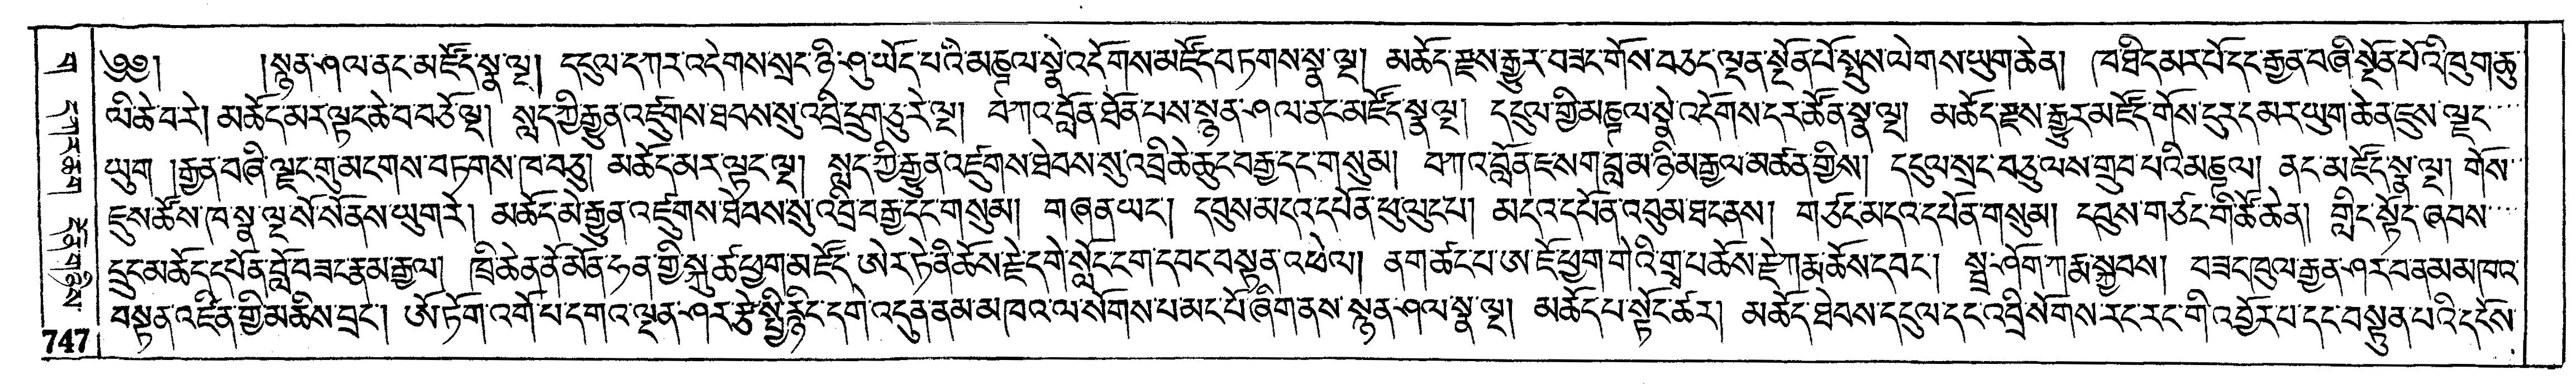༄༅། །སྙན་ཤལ་ནང་མཛོད་སྣ་ལྔ། དངུལ་དཀར་འདེགས་སྲང་ཉི་ཤུ་ཡོད་བའི་མཎྜལ་སྣེ་འདོགས་མཛོད་བཏགས་སྣ་ལྔ། མཆོད་རྫས་རྒྱུར་བཟང་གོས་བཅད་ལྡན་སྔོན་པོ་སྤུས་ལེགས་ཡུག་ཆེན། ཁ་ཐི་དམར་པོ་དང་རྒྱན་བཞི་སྔོན་པོའི་ཁུག་ཆུ་
ལི་ཆེ་བ་རེ། མཆོད་མར་ལྟང་ཆེ་བ་བཅོ་ལྔ། སླད་ཀྱི་རྒྱུན་འཛུགས་ཐེབས་སུ་འབྲེ་དྲུག་ཅུ་རེ་ལྔ། བཀའ་བློན་ཐོན་པས་སྙན་ཤལ་ནང་མཛད་སྣ་ལྔ། དབུལ་གྱི་མཎྜལ་སྣེ་འདོགས་དར་ཚོན་སྣ་ལྔ། མཆོད་རྫས་རྒྱུར་མཛོད་གོས་དུར་དམར་ཡུག་ཆེན་ཇུས་ལྗང་
ཡུག །རྒྱན་བཞི་ལྗང་གུ་མངགས་བཏགས་ཁ་བཅུ། མཆོད་མར་ལྷང་ལྟ། སླད་ཀྱི་རྒྱུན་འཛུགས་ཐེབས་སུ་འབྲི་ཆེ་ཆུང་བརྒྱ་དང་གསུམ། བཀའ་བློན་ཇ་སག་བླ་མ་ཉི་མ་རྒྱལ་མཚན་གྱིས། དངུལ་སྲང་བཅུ་ལས་གྲུབ་པའི་མཎྜལ། ནང་མཛོད་སྣ་ལྔ། གོས་
ཇུས་ཆོས་ཁ་སྣ་ལྔ་སོ་སོ་ནས་ཡུག་རེ། མཆོད་མེ་རྒྱུན་འཛུགས་ཐེབས་སུ་འབྲི་བརྒྱ་དང་གསུམ། གཞན་ཡང་། དབུས་མདའ་དཔོན་ཕུ་ལུང་བ། མདའ་དཔོན་འབུམ་ཐང་ནས། གཙང་མདའ་དཔོན་གུས། དབུས་གཙང་གི་ཚོ་ཆེན། གླིང་སྟོང་ཞབས་
དྲུང་མཆོད་དཔོན་བློ་བཟང་རྣམ་རྒྱལ། ཁྲི་ཆེན་ནོ་མོན་ཧན་གྱི་སྐུ་ཚ་ཕྱག་མཛོད་ཨེར་ཏེ་ནི་ཆོས་རྗེ་དགེ་སློང་ངག་དབང་བསྟན་འཕེལ། ནག་ཚང་བ་ཨ་ཇོ་ཕྱག་གེའི་གྲ་པ་ཆོས་རྗེ་ཀརྨ་ཆོས་དབང་། སྦྲ་ཤོག་ཀརྨ་སྐྱབས། བཟང་ཁུལ་རྒྱན་ཤར་བ་ནམ་མཁའ་
བསྟན་འཛིན་གྱི་མཆིས་བྲང་། ཨོ་ཏོག་འགོ་པ་དགའ་ལྡན་ཤར་རྩེ་སྤྱི་རྙིང་དགེ་འདུན་ནམ་མཁའ་ལ་སོགས་པ་མང་པོ་ཞིག་ནས་སྙན་ཤལ་སྣ་ལྔ། མཆོད་པ་སྟོང་ཚར། མཆོད་ཐེབས་དངུལ་དང་འབྲི་སོགས་རང་རང་གི་འབྱོར་པ་དང་བསྟུན་པའི་དངོས་